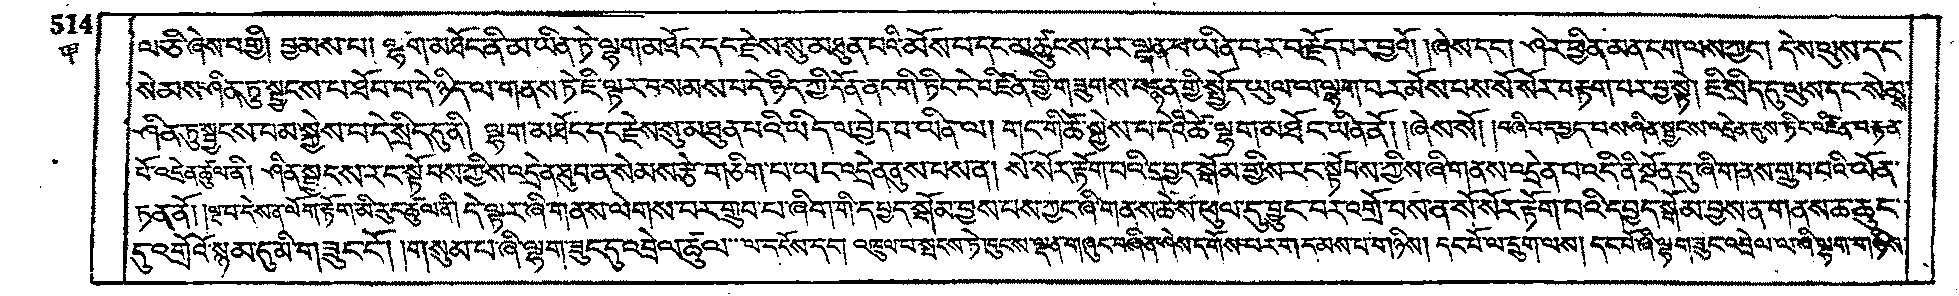ལ་ཅི་ཞེས་བགྱི། བྱམས་པ། ལྷག་མཐོང་ནི་མ་ཡིན་ཏེ་ལྷག་མཐོང་དང་རྗེས་སུ་མཐུན་པའི་མོས་པ་དང་མཚུངས་པར་ལྡན་པ་ཡིན་པར་བརྗོད་པར་བྱའོ། །ཞེས་དང་། ཤེར་ཕྱིན་མན་ངག་ལས་ཀྱང་། དེས་ལུས་དང་
སེམས་ཤིན་ཏུ་སྦྱངས་པ་ཐོབ་པ་དེ་ཉིད་ལ་གནས་ཏེ་ཇི་ལྟར་བསམས་པ་དེ་ཉིད་ཀྱི་དོན་ནང་གི་ཏིང་ངེ་འཛིན་གྱི་གཟུགས་བརྙན་གྱི་སྤྱོད་ཡུལ་ལ་ལྷག་པར་མོས་པས་སོ་སོར་བརྟག་པར་བྱ་སྟེ། ཇི་སྲིད་དུ་ལུས་དང་སེམས་
ཤིན་ཏུ་སྦྱངས་པ་མ་སྐྱེས་པ་དེ་སྲིད་དུ་ནི། ལྷག་མཐོང་དང་རྗེས་སུ་མཐུན་པའི་ཡིད་ལ་བྱེད་པ་ཡིན་ལ། གང་གི་ཚེ་སྐྱེས་པ་དེའི་ཚེ་ལྷག་མཐོང་ཡིན་ནོ། །ཞེས་སོ། །བཞི་པ་དཔྱད་པས་ཤིན་སྦྱངས་འདྲེན་དུས་ཏིང་འཛིན་བརྟན་
པོ་འདྲེན་ཚུལ་ནི། ཤིན་སྦྱངས་རང་སྟོབས་ཀྱིས་འདྲེན་ཐུབ་ན་སེམས་རྩེ་གཅིག་པ་ཡང་འདྲེན་ནུས་པས་ན། སོ་སོར་རྟོག་པའི་དཔྱད་སྒོམ་གྱིས་རང་སྟོབས་ཀྱིས་ཞི་གནས་འདྲེན་པ་འདི་ནི་སྔོན་དུ་ཞི་གནས་གྲུབ་པའི་ཡོན་
ཏན་ནོ། །ལྔ་པ་དེས་ན་ལོག་རྟོག་མི་རུང་ཚུལ་ནི། དེ་ལྟར་ཞི་གནས་ལེགས་པར་གྲུབ་པ་ཞིག་གི་དཔྱད་སྒོམ་བྱས་པས་ཀྱང་ཞི་གནས་ཆོས་ཕུལ་དུ་བྱུང་བར་འགྲོ་བས་ན་སོ་སོར་རྟོག་པའི་དཔྱད་སྒོམ་བྱས་ན་གནས་ཆ་ཆུང་
དུ་འགྲོའོ་སྙམ་དུ་མི་གཟུང་ངོ། །གསུམ་པ་ཞི་ལྷག་ཟུང་དུ་འབྲེལ་ཚུལ་ལ་དངོས་དང་། འཁྲུལ་པ་སྤངས་ཏེ་ཁུངས་ལྡན་གཞུང་བཞིན་ཤེས་དགོས་པར་གདམས་པ་གཉིས། དང་པོ་ལ་དྲུག་ལས། དང་པོ་ཞི་ལྷག་ཟུང་འབྲེལ་ལ་ཞི་ལྷག་གཉིས་